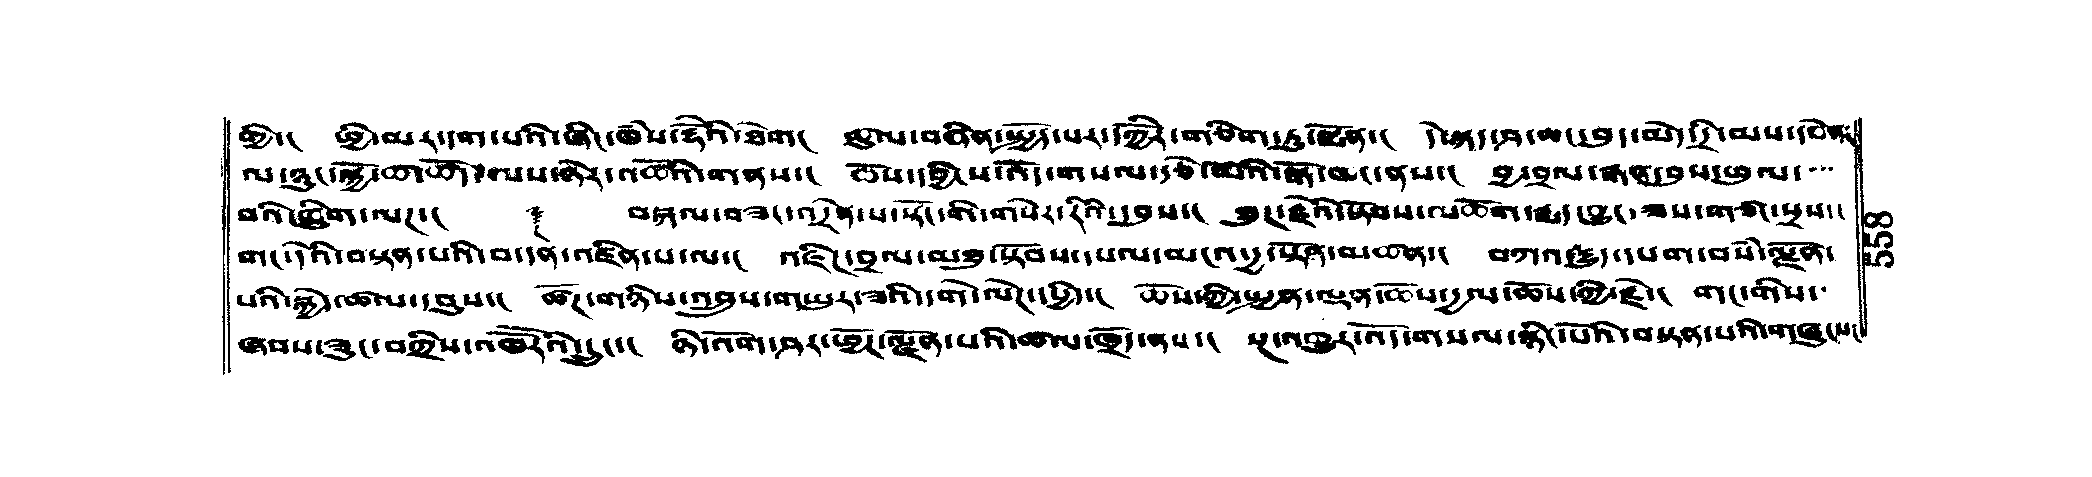། ཕྱི་མར་དག་པའི་ཞིང་ཁམས་རྡོ་རྗེའི་ཐེག །ཚུལ་བཞིན་སྤྱོད་པར་དཀྱིལ་འཁོར་གཅིག་ཏུ་སྨོན། །དེ་སྐད་ཤ་ཆང་བུད་མེད་དྲི་མས་དབེན། །
ལ་ཉུང་སྐྱོ་ཚ་ཚོད་མས་ཉེར་འཚོའི་གནས། །ཆོས་དབྱིངས་འོད་གསལ་རྩེ་མོའི་སྒོམ་ཁང་ནས། །བྱ་བྲལ་རྒན་བུས་ཕུལ་
བའི་ཞུ་ཡིག་ལགས།།༈ བསྐལ་བཟང་འདྲེན་པ་སྟོང་གི་གསེར་རིའི་དབུས། །ཐུགས་རྗེའི་སྟོབས་མཆོག་རྨད་བྱུང་ཟས་གཙང་སྲས། །
གང་དེའི་བསྟན་པའི་བ་དན་འཛིན་པ་ལ། །འཇིགས་བྲལ་མཐུ་སྟོབས་དཔལ་མངའ་རྒྱ་སྟོན་མཚན། །བཀའ་རྒྱུད་དཔག་བསམ་ལྗོན་
པའི་སྐྱེད་ཚལ་དབུས། །ཚོགས་གཉིས་འབྲས་བུས་གཡུར་ཟའི་དགེ་ལེགས་དཔྱིད། །ཆོས་ཀྱི་སྤྱན་ལྡན་ཆོས་རྒྱལ་ཆོས་ཀྱི་རྗེ། །གང་གིས་
ཞབས་ཟུང་བཀྲ་ཤིས་འཁོར་ལོའི་དྲུང་། །ཉི་འོག་ཤར་ཕྱོགས་ལྗོན་པའི་ཚལ་ཁྲོད་ནས། །སྔ་འགྱུར་འོད་གསལ་སྙིང་པོའི་བསྟན་པའི་གཞུང་།